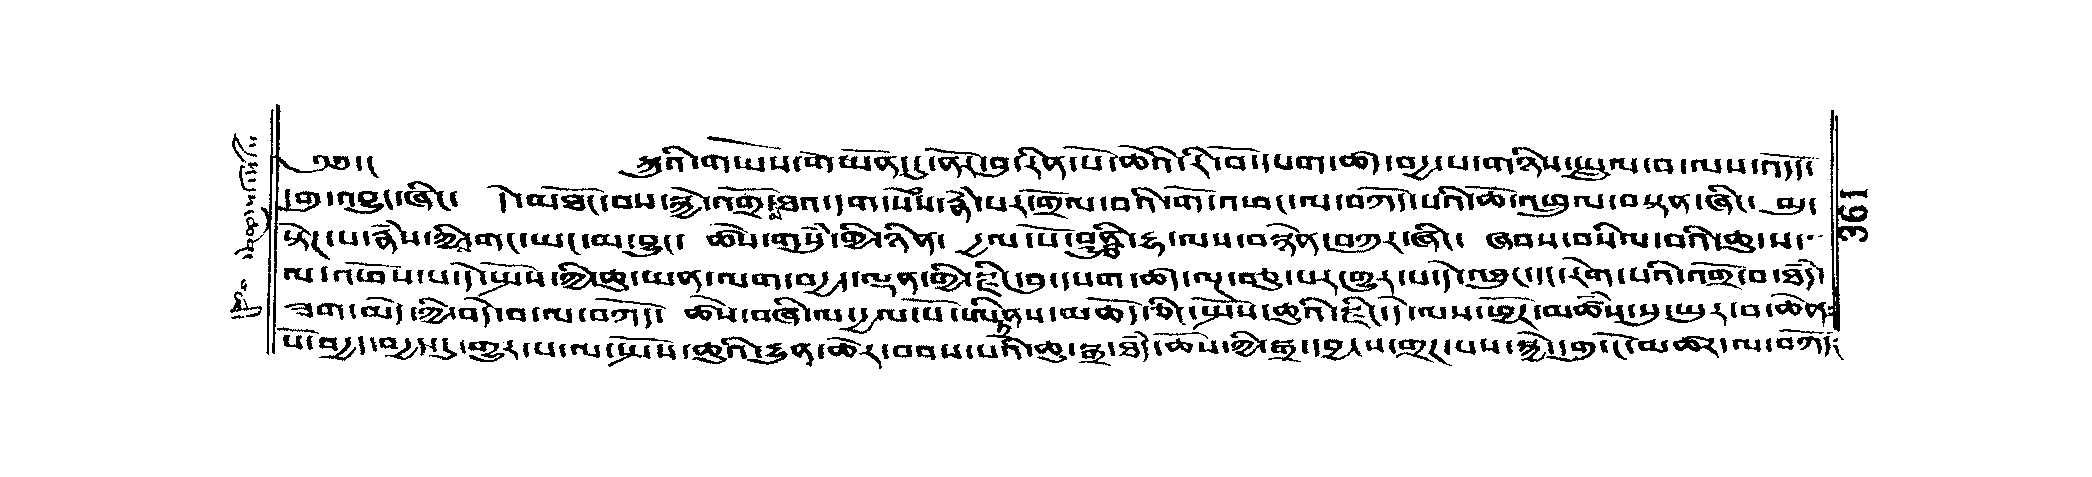སྐུའི་གཡས་གཡོན་དུ་ནོར་བུ་རིན་པོ་ཆེའི་རི་བོ་དཔག་ཚད་བརྒྱ་པ་གཉིས་སྤྲུལ་བ་ལས་འདོད་
དགུ་འབྱུང་ཞིང་། དེ་མཐོང་བས་སྐྱེ་འགྲོ་མཐའ་དག་སེམས་རྣམ་པར་གྲོལ་བའི་གོ་འཕང་ལ་བཀོད་པའི་ཆོ་འཕྲུལ་བསྟན་ཞིང་། མུ་
སྟེགས་པ་རྣམས་ཀྱིས་གང་ཡང་མ་བྱུང་། ཚེས་གསུམ་གྱི་ཉིན། རྒྱལ་པོ་ཤུནྩི་དྷ་ལས་བསྙེན་བཀུར་ཞིང་། ཞབས་བསིལ་བའི་ཆུ་ས་
ལ་འཕོས་པ་དེ་སྤོས་ཀྱི་ཆུ་ཡན་ལག་བརྒྱད་ལྡན་གྱི་རྫིང་བུ་དཔག་ཚད་ལྔ་བཅུ་པར་གྱུར་པ་དེ་འཐུང་དང་རེག་པའི་འགྲོ་བ་ཐམས་ཅད་
ཟག་མེད་ཀྱི་བདེ་བ་ལ་བཀོད། ཚེས་བཞི་ལ་རྒྱལ་པོ་ཨིནྟྲས་མཆོད་ཅིང་སྤོས་ཆུའི་རྫིང་དེ་ལས་ཕྱོགས་མཚམས་སུ་ཡུར་བ་ཆེན་
པོ་བརྒྱད་བརྒྱད་དུ་གྱུར་པ་ལ་སྤོས་ཆུའི་ཆར་བབས་པའི་ཆུ་སྒྲ་ཐམས་ཅད་ཆོས་ཀྱི་སྒྲ་དབྱངས་གྲགས་པས་སྐྱེ་དགུ་ངོ་མཚར་ལ་བཀོད།